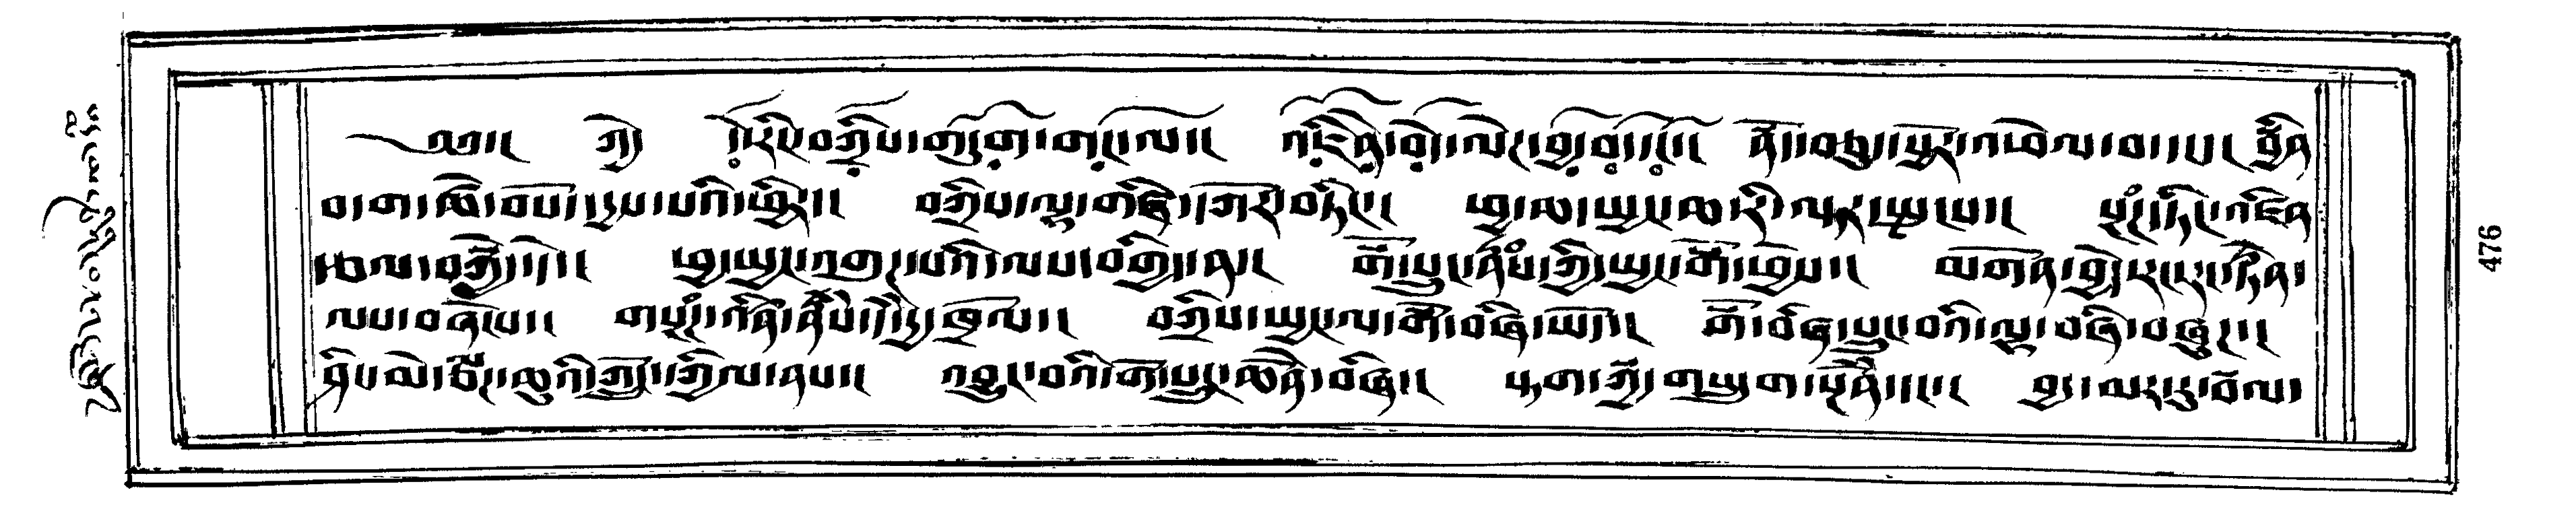ཀྱཻ། དེ་རིང་བཀྲ་ཤིས་གདུགས་གང་ལ། །འཇིག་རྟེན་བདེ་ལེགས་བྱ་བ་དང་། །སྣོད་བཅུད་དཔལ་འབྱོར་འཕེལ་བ་དང་། །སྦྱིན་
བདག་ཚེ་བསོད་རྒྱས་པའི་ཕྱིར། །བཀྲ་ཤིས་ལྷ་གཞི་དཀར་པོ་བཏིང་། །ཕྱྭ་ཆ་གཡང་ཆ་རི་ལྟར་སྤངས། །གསང་སྔགས་ཏིང་འཛིན་
རྩལ་བསྐྱེད་དེ། །ཕྱྭ་གཡང་འགུགས་པའི་ལས་བགྱིད་ན། །སྒོ་སྲུང་རྣམས་ཀྱིས་གཡང་སྒོ་ཕྱེས། །མགོན་བྱེད་རང་རང་རྟེན་
ལས་བཞེངས། །གསང་སྔགས་འཛིན་རྣམས་དམ་རྒྱ་ཁྲོལ། །བཀྲ་ཤིས་གཡང་ལ་སྒོ་བཞི་ཡོད། །སྒོ་བཞི་སྲུང་བའི་ལྷ་བཞི་བཞུགས། །
ཤིང་མེ་ལྕགས་ཆུའི་ཀློང་དཀྱིལ་ནས། །འབྱུང་བའི་གོ་སྲུང་ཆེན་པོ་བཞི། །སྟག་སྐྱ་གཡུ་འབྲུག་སྔོན་མོ་དང་། བྱ་དམར་རུས་སྦལ་